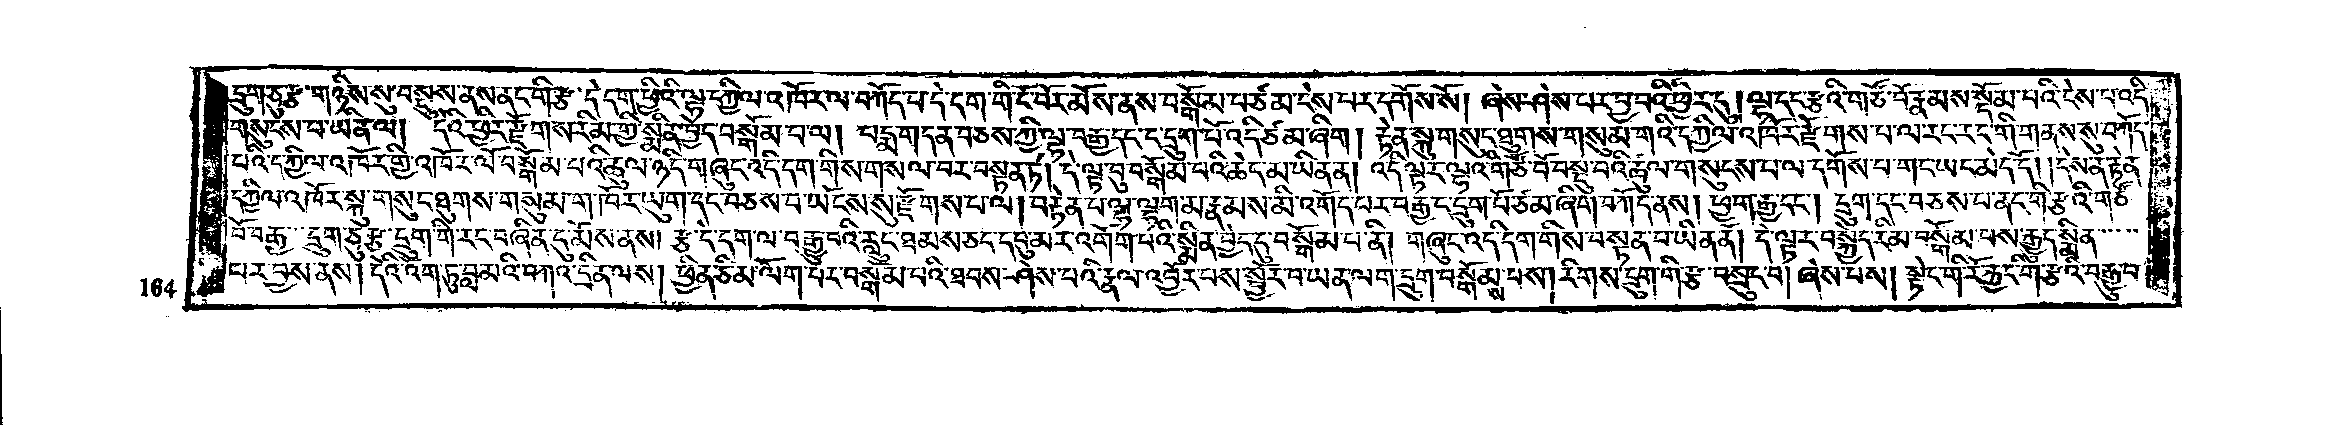དྲུག་ཅུ་རྩ་གཉིས་སུ་བསྡུས་ནས་ནང་གི་རྩ་དེ་དག་ཕྱིའི་ལྷ་དཀྱིལ་འཁོར་ལ་བཀོད་པ་དེ་དག་གི་ངོ་བོར་མོས་ནས་བསྒོམ་པ་ཙམ་ངེས་པར་དགོས་སོ། ཞེས་ཤེས་པར་བྱ་བའི་ཕྱིར་དུ། ལྷ་དང་རྩའི་གཙོ་བོ་རྣམས་སྡོམ་པའི་ངེས་པ་འདི་
གསུངས་པ་ཡིན་ལ། དེའི་ཕྱིར་རྫོགས་རིམ་གྱི་སྨིན་བྱེད་བསྒོམ་པ་ལ། པདམ་གདན་བཅས་ཀྱི་ལྷ་བརྒྱ་དང་ང་དྲུག་པོ་འདི་ཙམ་ཞིག །རྟེན་སྐུ་གསུང་ཐུགས་གསུམ་གའི་དཀྱིལ་འཁོར་རྫོགས་པ་ལ་རང་རང་གི་གནས་སུ་བཀོད་
པའི་དཀྱིལ་འཁོར་གྱི་འཁོར་ལོ་བསྒོམ་པའི་ཆུལ་ཉིད་གཞུང་འདི་དག་གིས་གསལ་བར་བསྟན་ཏེ། དེ་ལྟ་བུ་བསྒོམ་པའི་ཆེད་མ་ཡིན་ན། འདི་ལྟར་ལྷའི་གཙོ་བོ་བསྡུ་བའི་ཚུལ་གསུངས་པ་ལ་དགོས་པ་གང་ཡང་མེད་དོ། །དེས་ན་རྟེན་
དཀྱིལ་འཁོར་སྐུ་གསུང་ཐུགས་གསུམ་ག་ཁོར་ཡུག་དང་བཅས་པ་ཡོངས་སུ་རྫོགས་པ་ལ། བརྟེན་པ་ལྷ་ལྷག་མ་རྣམས་མི་འགོད་པར་བརྒྱ་ང་དྲུག་པོ་ཙམ་ཞིག་བཀོད་ནས། ཕྱག་རྒྱ་དང་། དྲུག་དང་བཅས་པ་ནང་གི་རྩའི་གཙོ་
བོ་བརྒྱ་དྲུག་ཅུ་རྩ་དྲུག་གི་རང་བཞིན་དུ་མོས་ནས། རྩ་དེ་དག་ལ་བརྒྱུ་བའི་རླུང་ཐམས་ཅད་དབུ་མར་འགོག་པའི་སྨིན་བྱེད་དུ་བསྒོམ་པ་ནི། གཞུང་འདི་དག་གིས་བསྟན་པ་ཡིན་ནོ། དེ་ལྟར་བསྐྱེད་རིམ་བསྒོམ་པས་རྒྱུད་སྨིན་
པར་བྱས་ནས། དེའི་འོག་ཏུ་བླ་མའི་བཀའ་དྲིན་ལས། ཕྱིན་ཅི་མ་ལོག་པར་བསྒོམ་པའི་ཐབས་ཤེས་པའི་རྣལ་འབྱོར་པས་སྦྱོར་བ་ཡན་ཧླག་དྲུག་བསྒོམས་པས། རིགས་དྲུག་གི་རྩ་བསྲུང་བ། ཞེས་པས། སྟེང་གི་རོ་རྐྱང་གི་རྩའི་བརྒྱུ་བ་